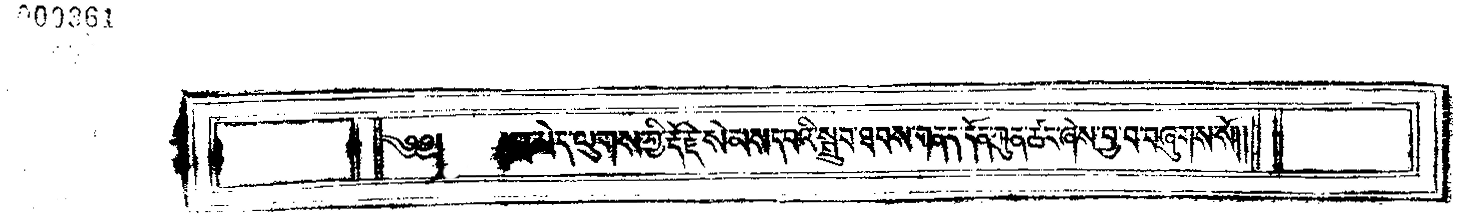༄༅། །བླ་མེད་ལུགས་ཀྱི་རྡོ་རྗེ་སེམས་དཔའི་སྒྲུབ་ཐབས་གནད་དོན་ཀུན་ཚང་ཞེས་བྱ་བ་བཞུགས་སོ།།